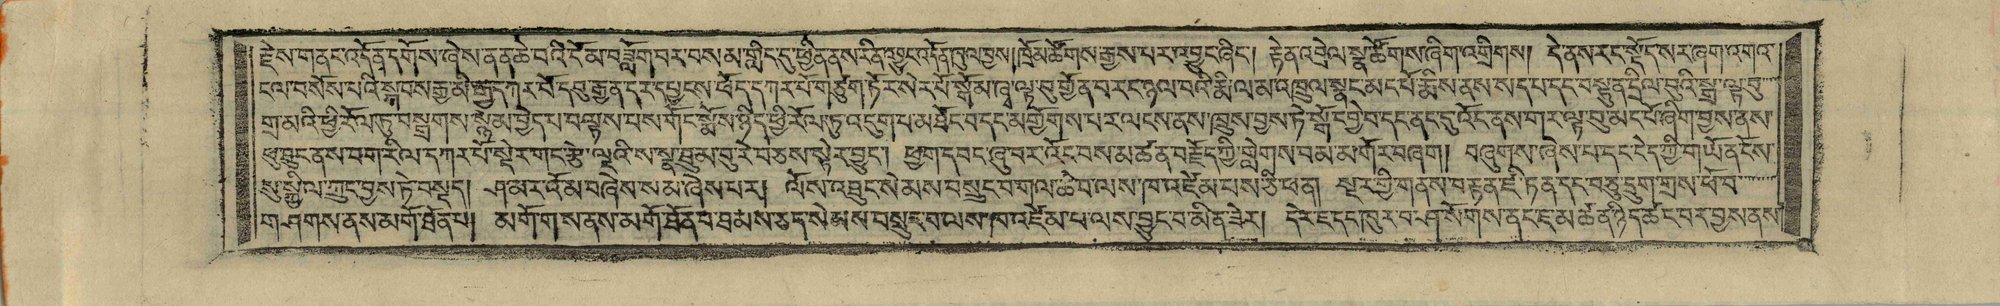རྗེས་གནང་འདོན་དགོས་ཞེས་ནན་ཆེ་བའི་ངོམ་བཟློག་པར་བསམ་གླིང་དུ་ཕྱིན་ནས་རིན་འབྱུང་འདོན་ཁུལ་བྱས། ཁྲོམ་ཚོགས་རྒྱས་པར་འབྱུང་ཞིང་། རྟེན་འབྲེལ་སྣ་ཚོགས་ཞིག་འགྲིགས། དེ་ནས་རང་སྡོད་སར་ཞག་འགའ་
ངལ་བསོས་པའི་སྐབས་རྒྱ་མི་རྒྱ་དཀར་པོ་དབུ་རྒྱན་དར་དཔྱངས་ཕོད་དཀར་པོ་གཙུག་ཏོར་སེར་པོ་སྒོམ་ཞྭ་ལྟ་བུ་གྱོན་པ་རང་ཉལ་བའི་རྨི་ལམ་འཁྲུལ་སྣང་མང་པོ་རྨིས་ནས་སད་པ་དང་བསྟུན་དྲིལ་བུའི་སྒྲ་ལྟ་བུ་
གྲ་མའི་ཕྱི་རོལ་ཏུ་བསྒྲགས་སྙམ་བྱེད་པ་བལྟས་པས་གོང་སྨོས་ཉིད་ཕྱི་རོལ་ཏུ་འདུག་པ་མཐོང་བ་དང་མགྱོགས་པར་ལངས་ནས་ཁྲུས་བྱས་ཏེ་སྒོ་དབྱེ་བ་དང་ནང་དུ་འོང་ནས་གར་ལྟ་བུ་མང་པོ་ཞིག་བྱས་ནས་
ཕུ་ཐུང་ནས་བག་རིལ་དཀར་པོ་སྡེར་གང་རྩེ་ལྔའི་ས་སྣ་ཐུམ་བུ་རེ་བཅས་སྟེར་བྱུང་། ཕྱག་དབང་ཞུ་བར་འོང་བས་མཚན་བརྗོད་ཀྱི་གླེགས་བམ་མགོར་བཞག །བཞུགས་ཞེས་པ་དང་ངེད་ཀྱི་གཡོན་ངོས་
སུ་སྐྱིལ་ཀྲུང་བྱས་ཏེ་བསྡད། ཤ་མར་འོ་མ་བཞེས་སམ་ཞེས་པར། ལོས་འཐུང་སེམས་བསྲུང་བ་གལ་ཆེ་བ་ལས་ཁ་འཛེམ་པས་ཅི་ཕན། སྔར་གྱི་གནས་བརྟན་ཛི་ཏན་དང་བཅུ་དྲུག་གྲས་ཕོ་བ་
གཤགས་ནས་མགོ་ཐོན་པ། མགོག་ས་ནས་མགོ་ཐོན་པ་ཐམས་ཅད་སེམས་བསྲུང་བ་ལས་ཁ་འཛེམ་པ་ལས་བྱུང་བ་མིན་ཟེར། དེར་ཇ་དང་ཁུར་བ་ཤ་སོགས་ནང་ཇ་མཚན་ཉིད་ཚང་བར་བྱས་ནས་